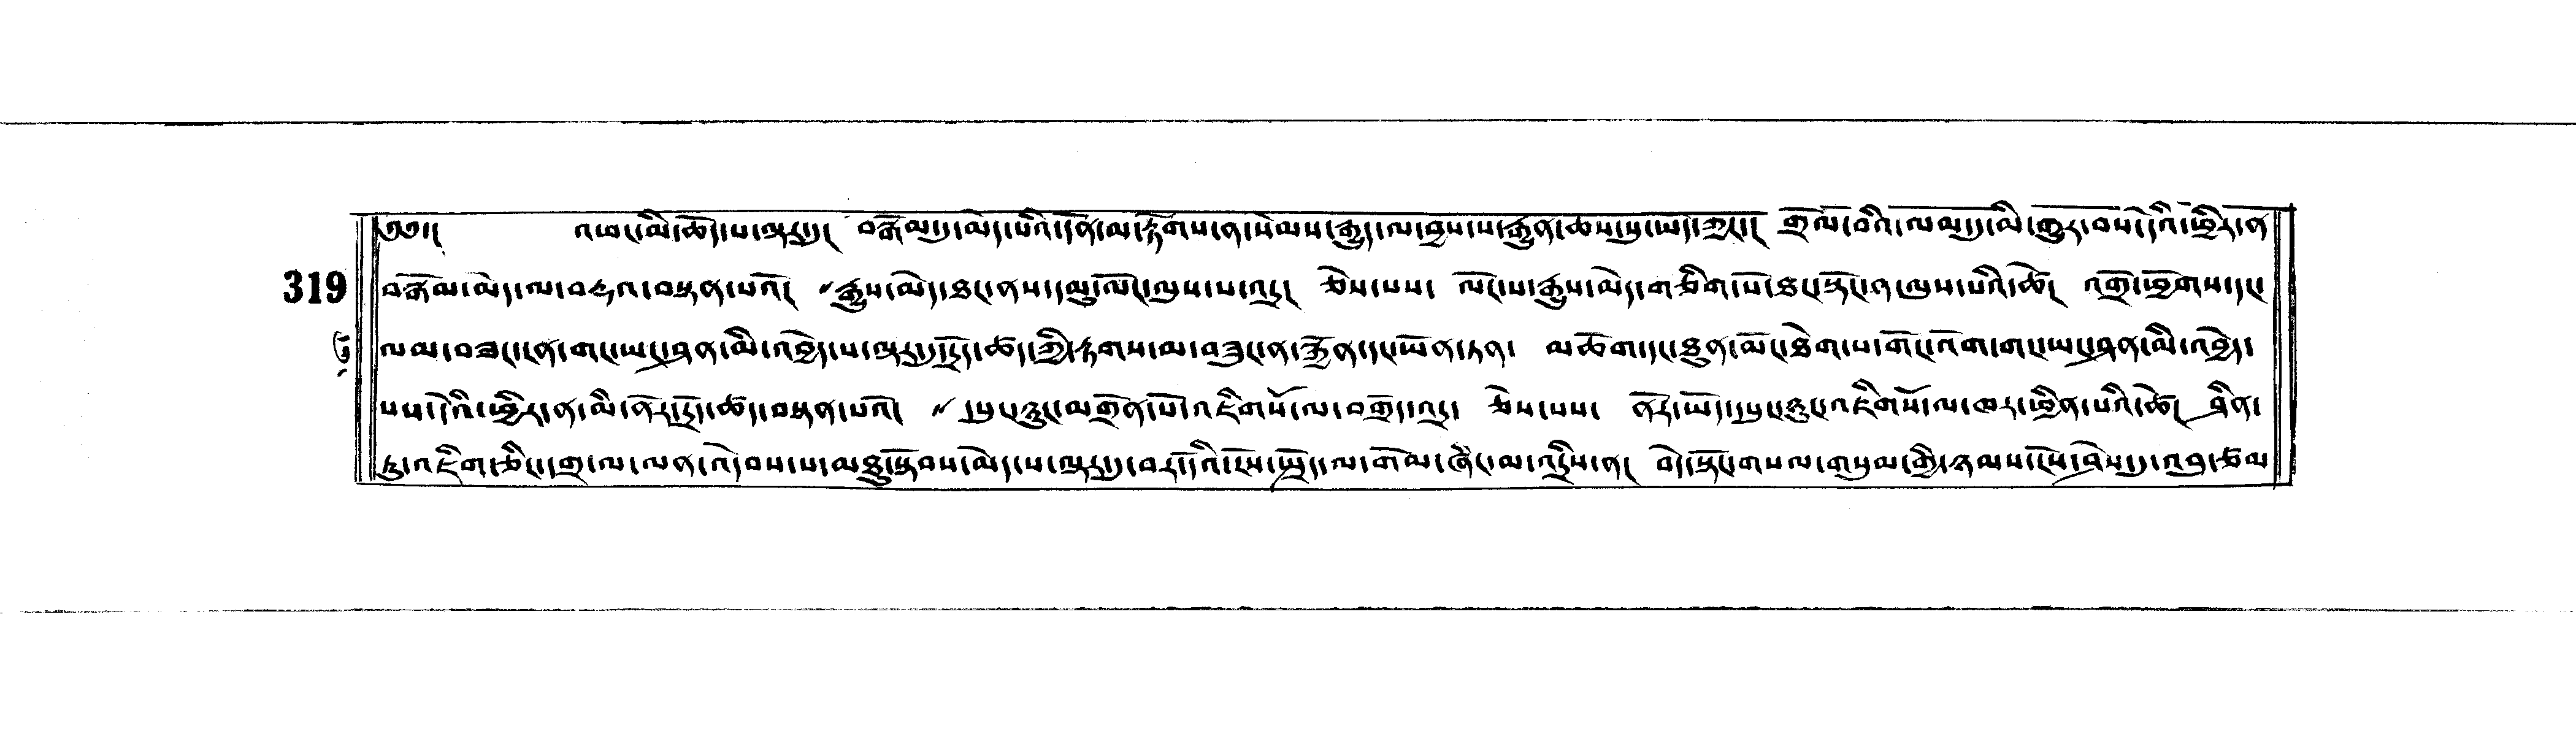འཕང་མི་ཆོད་པ་ལྟར་དུ། བསྒོམ་དུ་མེད་པའི་དོན་མ་རྟོགས་ན་སེམས་རྒྱུད་ལ་བྱས་པ་རྒྱུན་ཆས་སུ་ཡོད་ཀྱང་། གྲོལ་བའི་ལམ་དུ་མི་འགྱུར་བས། དེའི་ཕྱིར་ན་
སྒོམ་མེད་ལ་བཟླའ་བསྟན་པའོ། རྒྱུས་མེད་ཐང་ནས་དམུ་ལོང་ལུས་པ་འདྲ། ཅེས་པས། ལོང་བ་རྒྱུས་མེད་གཅིག་པོ་ཐང་སྟོང་ལ་ལུས་པའི་ཚེ། འགྲོ་ཕྱོགས་དང་
ལམ་བཟང་ངན་གང་ཡང་ཤན་མི་འབྱེད་པ་ལྟར་དུ་དྲོད་ཚད་ཀྱི་རྟགས་མ་བཟུང་ན་སྐྱོན་དང་ཡོན་ཏན་མཆོག་དང་ཐུན་མོང་ཐེག་པ་གོང་འོག་གང་ཡང་ཤན་མི་འབྱེད་
པས་དེའི་ཕྱིར་ན་མི་ནོར་དྲོད་ཚད་བསྟན་པའོ། དཔུང་ཉུང་མགྲོན་པོ་འཇིགས་སོ་ལ་བགྲོད་འདྲ། ཅེས་པས། ནོར་ཡོད་དཔུང་ཉུང་འཇིགས་སོ་ལ་ཁར་ཕྱིན་པའི་ཚེ། ཤིན་
ཏུ་འཇིགས་ཅིང་དགྲ་ལ་ལན་འདེབས་པ་མཐུ་སྟོབས་མེད་པ་ལྟར་དུ་བར་དོའི་ངོ་སྤྲོད་ལ་གོམས་ཤིང་མ་འདྲིས་ན། བདེ་སྟོང་གསལ་གསུམ་གྱི་ཉམས་ངེས་ཤེས་དུམ་བུ་ཙམ་